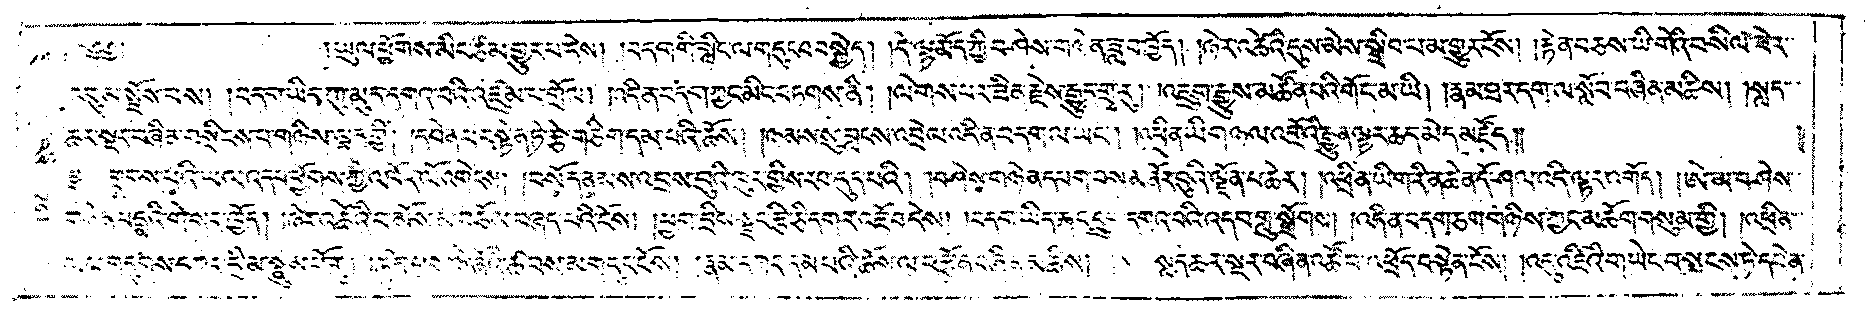༄༅། །ཡུལ་ཕྱོགས་མིང་ཙམ་གྱུར་པ་དེས། །བདག་གི་སྙིང་ལ་གདུང་བ་བསྐྱེད། །དེ་ལྟ་མོད་ཀྱི་བཤེས་གཉེན་ཟླ་བ་ཁྱོད། །ཉེར་འཚེའི་དུས་མེས་སྒྲིབ་པ་མ་གྱུར་ངོས། །རྟེན་བཅས་ཡི་གེའི་བསིལ་ཟེར་
འབུམ་སྤྲོས་པས། །བདག་ཡིད་ཀུ་མུད་དགའ་བའི་འཛུམ་པ་གྲོལ། །འདི་ན་བདག་ཀྱང་མིང་བཏགས་ནི། །ལེགས་པར་ཟིན་རྗེས་རྒྱུད་གྲྭ་རུ། །འཇུག་རྒྱུས་མཚོན་པའི་གོང་མ་ཡི། །རྣམ་ཐར་དག་ལ་སློབ་བཞིན་མཆིས། །སླད་
ཆར་སྔར་བཞིན་བསྲིངས་བ་གཉིས་ལྡན་གྱི། །དབེན་པ་བསྟེན་ཏེ་རྩེ་གཅིག་དམ་པའི་ཆོས། །ཉམས་སུ་བླངས་འབྲེལ་འདི་ན་བདག་ལ་ཡང་། །འཕྲིན་ཡིག་ཉལ་འགྲོའི་རྒྱུན་ལྟར་ཆད་མེད་མཛོད།། །།
༈ གྲགས྾་པའི྾་ཡལ་འདབ་ཕྱོགས་ཀྱི་འཁོར་ལོ་འགེངས། །བསོད྾་ནམས྾་འབྲས་བུའི་ཁུར་གྱིས་རབ་དུད་པའི། །བཤེས་གཉེན་དཔག་བསམ་ནོར་བུའི་ལྗོན་པ་ཆེར། །འཕྲིན་ཡིག་རིན་ཆེན་དོ་ཤལ་འདི་ལྟར་འགོད། །ཨེ་མ་བཤེས་
གཉེན་པདམའི་གེ་སར་ཁྱོད། །ཉེར་འཚེའི་བ་མོས་མ་བཅོམ་བཞད་པའི་ངོས། །ཕྱག་བྲིས་སྦྲང་རྩི་ཅི་དགར་འཇོ་བ་དེས། །བདག་ཡིད་རྐང་དྲུག་དགའ་བའི་འདབ་གླུ་སྒྲོགས། །འདི་ན་བདག་ཅག་གཉིས་ཀྱང་མཆོག་གསུམ་གྱི། །འཕྲིན་
ལས་གདུགས་དཀར་དྲི་མ་སྣུམ་པོ་རུ། །ཚུད་པས་ཉེ་ཞོའི་ཚ་བས་མ་གདུང་ངོས། །རྣམ་དཀར་དམ་པའི་ཆོས་ལ་བརྩོན་བཞིན་མཆིས། །྾་སླད་ཆར་སྔར་བཞིན་འཚོ་བ་འཕྲོད་བསྟེན་ངོས། །འདུ་འཛིའི་གཡེང་བ་སྤངས་ཏེ་དབེན་